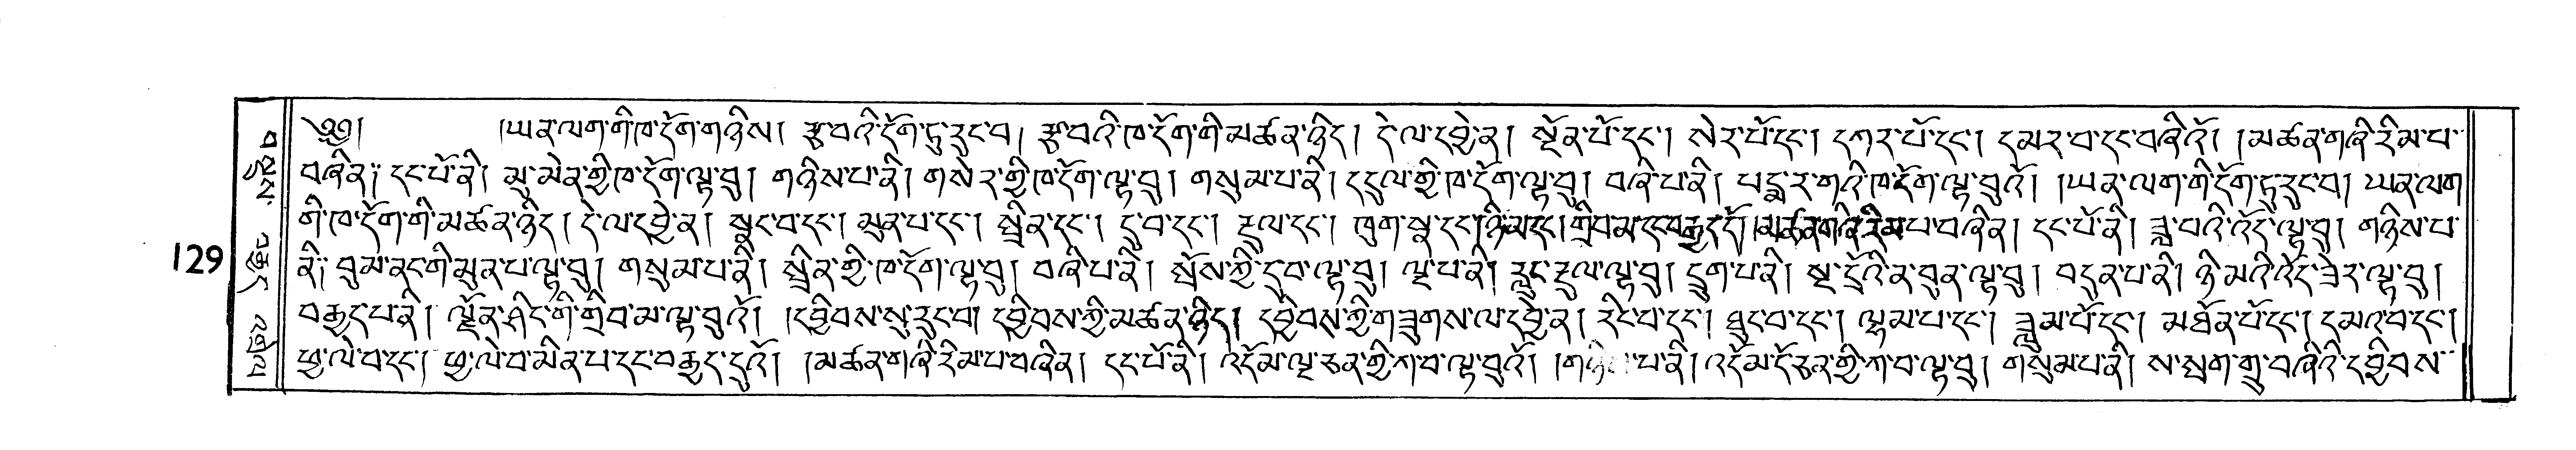༄༅། །ཡན་ལག་གི་ཁ་དོག་གཉིས། རྩ་བའི་དོན་ཏུ་རུང་བ། རྩ་བའི་ཁ་དོག་གི་མཚན་ཉིད། དེ་ལ་དབྱེ་ན། སྔོན་པོ་དང་། སེར་པོ་དང་། དཀར་པོ་དང་། དམར་བ་དང་བཞིའོ། །མཚན་གཞི་རིམ་པ་
བཞིན༑ དང་པོ་ནི། མུ་མེན་གྱི་ཁ་དོག་ལྟ་བུ། གཉིས་པ་ནི། གསེར་གྱི་ཁ་དོག་ལྟ་བུ། གསུམ་པ་ནི། དངུལ་གྱི་ཁ་དོག་ལྟ་བུ། བཞི་པ་ནི། པདམ་ར་གའི་ཁ་དོག་ལྟ་བུའོ། །ཡན་ལག་གི་དོན་དུ་རུང་བ། ཡན་ལག་
གི་ཁ་དོག་མཚན་ཉིད། དེ་ལ་དབྱེ་ན། སྣང་བ་དང་། མུན་པ་དང་། སྤྲིན་དང་། དུ་བ་དང་། རྡུལ་དང་། ཁུག་སྣ་དང་། ཉི་མ་དང་། གྲིབ་མ་དང་བརྒྱད་དོ། །མཚན་གཞི་རིམ་པ་བཞིན། །དང་པོ་ནི། ཟླ་བའི་འོད་ལྟ་བུ། གཉིས་པ་
ནི༑ བུམ་ནང་གི་མུན་པ་ལྟ་བུ། གསུམ་པ་ནི། སྦྲིན་གྱི་ཁ་དོག་ལྟ་བུ། བཞི་པ་ནི། སྤོས་ཀྱི་དུ་བ་ལྟ་བུ། ལྔ་པ་ནི། རླུང་རྡུལ་ལྟ་བུ། དྲུག་པ་ནི། སྔ་དྲོའི་ན་བུན་ལྟ་བུ། །བདུན་པ་ནི། ཉི་མའི་འོད་ཟེར་ལྟ་བུ།
བརྒྱད་པ་ནི། ལྗོན་ཤིང་གི་གྲིབ་མ་ལྟ་བུའོ། །དབྱིབས་སུ་རུང་བ། དབྱིབས་ཀྱི་མཚན་ཉིད། དབྱེབས་ཀྱི་གཟུགས་ལ་དབྱེ་ན། རིང་བ་དང་། ཐུང་བ་དང་། ལྷམ་པ་དང་། ཟླུམ་པོ་དང་། མཐོན་པོ་དང་། དམའ་བ་དང་།
ཕྱ་ལེ་བ་དང་། ཕྱ་ལེ་བ་མིན་པ་དང་བརྒྱད་དུའོ། །མཚན་གཞི་རིམ་པ་བཞིན། །དང་པོ་ནི། འོད་མ་ལྔ་ཅན་གྱི་ཀ་བ་ལྟ་བུའོ། །གཉིས་པ་ནི། འདོམ་དོ་ཅན་གྱི་ཀ་བ་ལྟ་བུ། གསུམ་པ་ནི། ས་སྤག་གྲུ་བཞིའི་དབྱིབས་